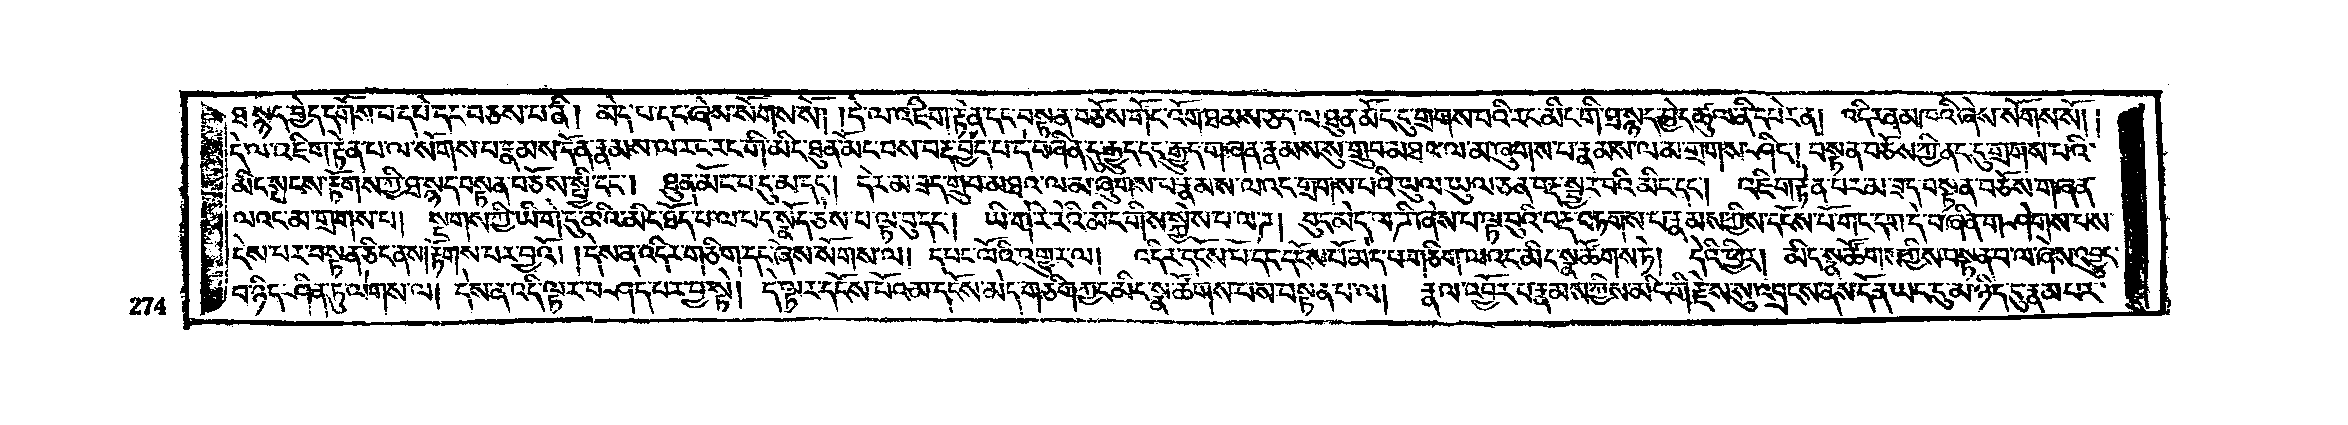ཐ་སྙད་བྱེད་དགོས་པ་དཔེ་དང་བཅས་པ་ནི། མེད་པ་དང་ཞེས་སོགས་སོ། །དེ་ལ་འཇིག་རྟེན་དང་བསྟན་བཅོས་གོང་འོག་ཐམས་ཅད་ལ་ཐུན་མོང་དུ་གྲགས་པའི་རང་མིང་གི་ཐ་སྙད་བྱེད་ཚུལ་ནི་དཔེར་ན། འདིར་ནམ་མཁའི་ཞེས་སོགས་སོ། །
དེ་ལ་འཇིག་རྟེན་པ་ལ་སོགས་པ་རྣམས་དོན་རྣམས་ལ་རང་རང་གི་མིང་ཐུན་མོང་བས་བརྡ་བྱེད་པ་དེ་བཞིན་དུ་རྒྱུད་དང་རྒྱུད་གཞན་རྣམས་སུ་གྲུབ་མཐའ་ལ་མ་ཞུགས་པ་རྣམས་ལ་མ་གྲགས་ཤིང་། བསྟན་བཅོས་ཀྱི་ནང་དུ་གྲགས་པའི་
མིང་སྤངས་རྟོགས་ཀྱི་ཐ་སྙད་བསྟན་བཅོས་སྤྱི་དང་། ཐུན་མོང་པ་དུ་མ་དང་། དེར་མ་ཟད་གྲུབ་མཐའ་ལ་མ་ཞུགས་པ་རྣམས་ལའང་གྲགས་པའི་ཡུལ་ཡུལ་ཅན་བརྡ་སྦྱར་བའི་མིང་དང་། འཇིག་རྟེན་པར་མ་ཟད་བསྟན་བཅོས་གཞན་
ངེས་པར་བསྟན་ཅིང་ནས། རྟོགས་པར་བྱའོ། །དེས་ན་འདིར་གཅིག་དང་ཞེས་སོགས་ལ། དཔང་ལོའི་འགྱུར་ལ། འདིར་དངོས་པོ་དང་དངོས་པོ་མེད་པ་གཅིག་ལའང་མིང་སྣ་ཚོགས་ཏེ། དེའི་ཕྱིར། མིང་སྣ་ཚོགས་ཀྱིས་བསྟན་པ་ལ་ཞེས་འབྱུང་
བ་ཉིད་ཤིན་ཏུ་ལེགས་ལ། དེས་ན་འདི་ལྟར་བཤད་པར་བྱ་སྟེ། དེ་ལྟར་དངོས་པོའམ་དངོས་མེད་གཅིག་ཀྱང་མིང་སྣ་ཚོགས་པས་བསྟན་པ་ལ། རྣལ་འབྱོར་པ་རྣམས་ཀྱིས་མིང་གི་རྗེས་སུ་འབྲངས་ནས་དོན་ཡང་དུ་མ་ཉིད་དུ་རྣམ་པར་